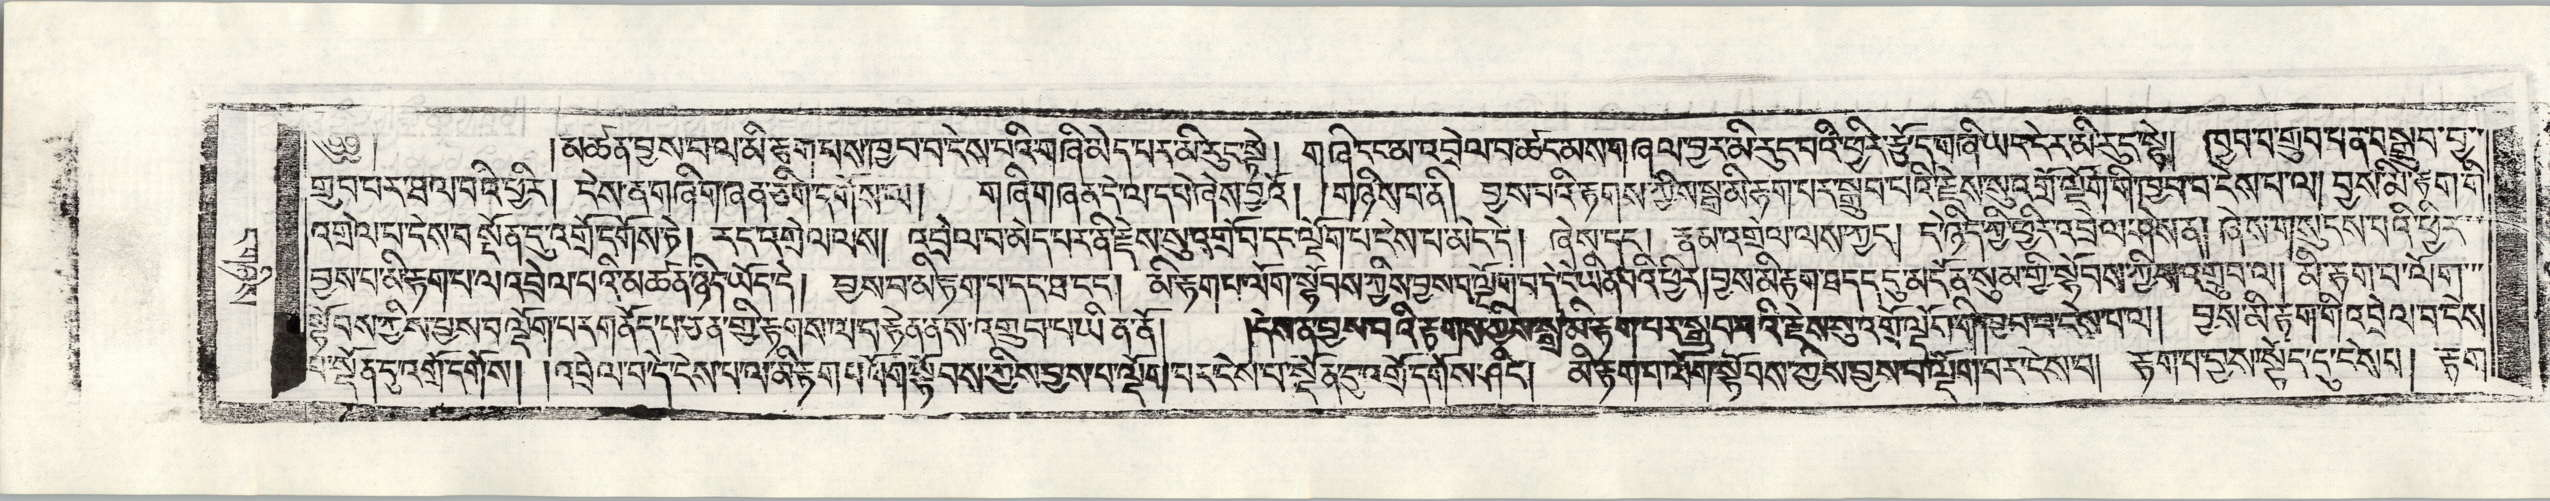༄༅། །མཚན་བྱས་པ་ལ་མི་རྟག་པས་ཁྱབ་པ་ངེས་པའི་གཞི་མེད་པར་མི་རུང་སྟེ། གཞི་དང་མ་འབྲེལ་བ་ཚད་མས་གཞལ་བྱར་མི་རུང་བའི་ཕྱིར། རྩོད་གཞི་ཡང་དེར་མི་རུང་སྟེ། ཁྱབ་པ་གྲུབ་པ་ན་བསྒྲུབ་བྱ་
གྲུབ་པར་ཐལ་བའི་ཕྱིར། དེས་ན་གཞི་གཞན་ཞིག་དགོས་ལ། གཞི་གཞན་དེ་ལ་དཔེ་ཞེས་བྱའོ། །གཉིས་པ་ནི། བྱས་པའི་རྟགས་ཀྱིས་སྒྲ་མི་རྟག་པར་སྒྲུབ་པའི་རྗེས་སུ་འགྲོ་ལྡོག་གི་ཁྱབ་པ་ངེས་པ་ལ། བྱས་མི་རྟག་གི་
འབྲེལ་བ་ངེས་པ་སྔོན་དུ་འགྲོ་དགོས་ཏེ། རང་འགྲེལ་ལས། འབྲེལ་བ་མེད་པར་ནི་རྗེས་སུ་འགྲོ་བ་དང་ལྡོག་པ་ངེས་པ་མེད་དེ། ཞེས་དང་། རྣམ་འགྲེལ་ལས་ཀྱང་། དེ་ཉིད་ཀྱི་ཕྱིར་འབྲེལ་ཤེས་ན། ཞེས་གསུངས་པའི་ཕྱིར།
བྱས་པ་མི་རྟག་པ་ལ་འབྲེལ་བའི་མཚན་ཉིད་ཡོད་དེ། བྱས་པ་མི་རྟག་པ་དང་ཐ་དད། མི་རྟག་པ་ལོག་སྟོབས་ཀྱིས་བྱས་པ་ལྡོག་པ་དེ་དེ་ཡིན་པའི་ཕྱིར། བྱས་མི་རྟག་ཐ་དད་དུ་མངོན་སུམ་གྱི་སྟོབས་ཀྱིས་འགྲུབ་ལ། མི་རྟག་པ་ལོག་
སྟོབས་ཀྱིས་བྱས་པ་ལྡོག་པར་གནོད་པ་ཅན་གྱི་རྟགས་ལ་བརྟེན་ནས་འགྲུབ་པ་ཡིན་ནོ། །དེས་ན་བྱས་པའི་རྟགས་ཀྱིས་སྒྲ་མི་རྟག་པར་སྒྲུབ་པའི་རྗེས་སུ་འགྲོ་ལྡོག་གི་ཁྱབ་པ་ངེས་པ་ལ། བྱས་མི་རྟག་གི་འབྲེལ་བ་ངེས་
པ་སྔོན་དུ་འགྲོ་དགོས། འབྲེལ་བ་དེ་ངེས་པ་ལ་མི་རྟག་པ་ལོག་སྟོབས་ཀྱིས་བྱས་པ་ལྡོག །པར་ངེས་པ་སྔོན་དུ་འགྲོ་དགོས་ཤིང་། མི་རྟག་པ་ལོག་སྟོབས་ཀྱིས་བྱས་པ་ལྡོག་པར་ངེས་པ། རྟག་པ་བྱས་སྟོང་དུ་ངེས་པ། རྟག་